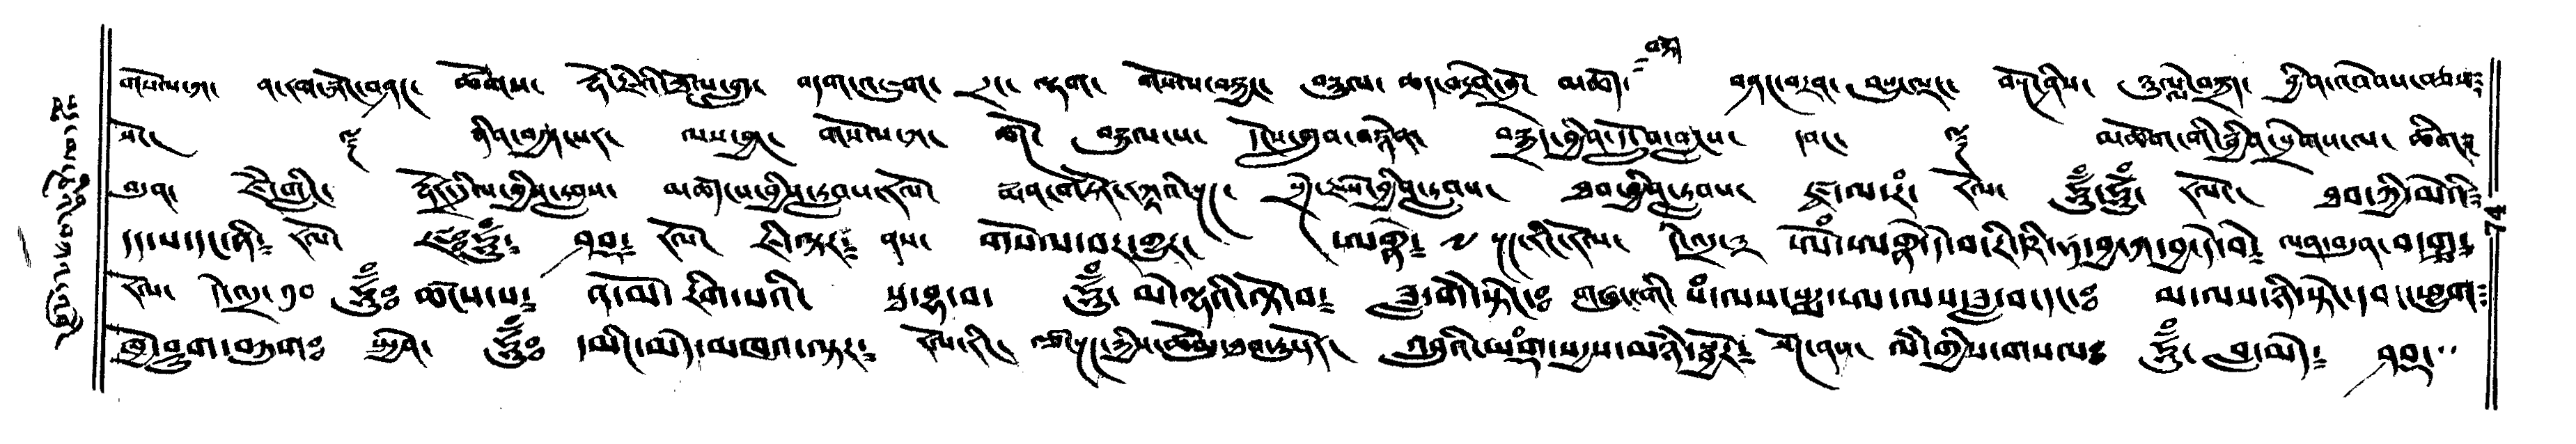གསོལ་ཀ ན་རག་སྐོང་བཤགས། ཚོགས། རྡོ་རྗེའི་ཐོལ་གླུ། བདག་འཇུག དྲང་ལྷག གསོལ་བསྐྱང་། བསྐུལ། ཆད་བརྟན་བྲོ། མཆོད་བསྟོད། བཤགས་བརྟན། བསྡུ་ལྡང་། བསྔོ་སྨོན་བཀྲ་ཤིས། ཉུལླེ་བསྐྲད། བྱིན་འབེབས་བཅས་
སོ། ༈ ཉིན་བརྒྱད་པར། ལས་བྱང་། གསོལ་ཀ ཚོགས། བསྐུལ་པ། དངོས་གྲུབ་བསྙེན། བསྐྲད་བྱིན་དངོས་གྲུབ་བླང་། དབང་། ༈ མཆོག་གི་སྦྱིན་སྲེག་ལ། ཚིག་
བདུན། འཛམ་གླིང་། རྡོར་དྲིལ་བྱིན་རླབས། མཆོད་པ་བྱིན་རླབས། རོལ། སྨན་གཏོར་རཀྟའི་སྔགས། སྲེག་རྫས་བྱིན་རླབས། ཐབ་བྱིན་རླབས། ཛྭ་ལ་རཾ། རོལ། ཧཱུྃ་ཧཱུྃ། རོལ། ཐབ་ཀྱི་མེའི༴ 
དད་པ་དང་ནི༴ རོལ། ཛཿཧཱུཾ༴ ཤབྡ༴ རོལ། ཇི་ལྟར༴ ནས། གསོལ་བར་གྱུར། ཨགྣེ༴ ལན་བདུན།སྔགས་རིང་རོལ། དེ་འདྲ་ལན་གསུམ། ཨོཾ་ཨགྣེ་དེ་བ་རི་རི་ཧ་བྱ་ཀ་བྱ་དེ་བ༴ ལན་བདུན། བདག་ཅག༴ 
རོལ། དེ་འདྲ་བཅུ། ཧཱུྃཿ ཚངས་པ༴ ན་མོཿ རིག་པའི༴ སྭ་བྷ་བ༴ ཧཱུྃཿ མེ་ལྷའི་ལྟེ་བ༴ ཟླ་གམ་སྟེངཿ གཞུང་གི པཾ་ལས་པདྨ་ཨ་ལས་ཟླ་བ་དངཿ མ་ལས་ཉི་སྟེང་དབང་ཕྱུག་
ཁྱོ་ཤུག་བཀུགཿ སྤྱན་འདྲེན། ཧཱུྃཿ དམིགས་མེད་མཁའ་ལྟར༴ རོལ་རིང་། རྩ་སྔགས་ཀྱིས་ཚོམ་བུ་ཐབ་ཏུ་དོར། འབྲས་བུའི་ཡང་དག་སངས་རྒྱས་མཉམ་སྦྱོར༴ སོགས་ནས། ལམ་གྱིས་གསལཿ ཧཱུྃཿ བླ་མེད༴ ཤབྡ་